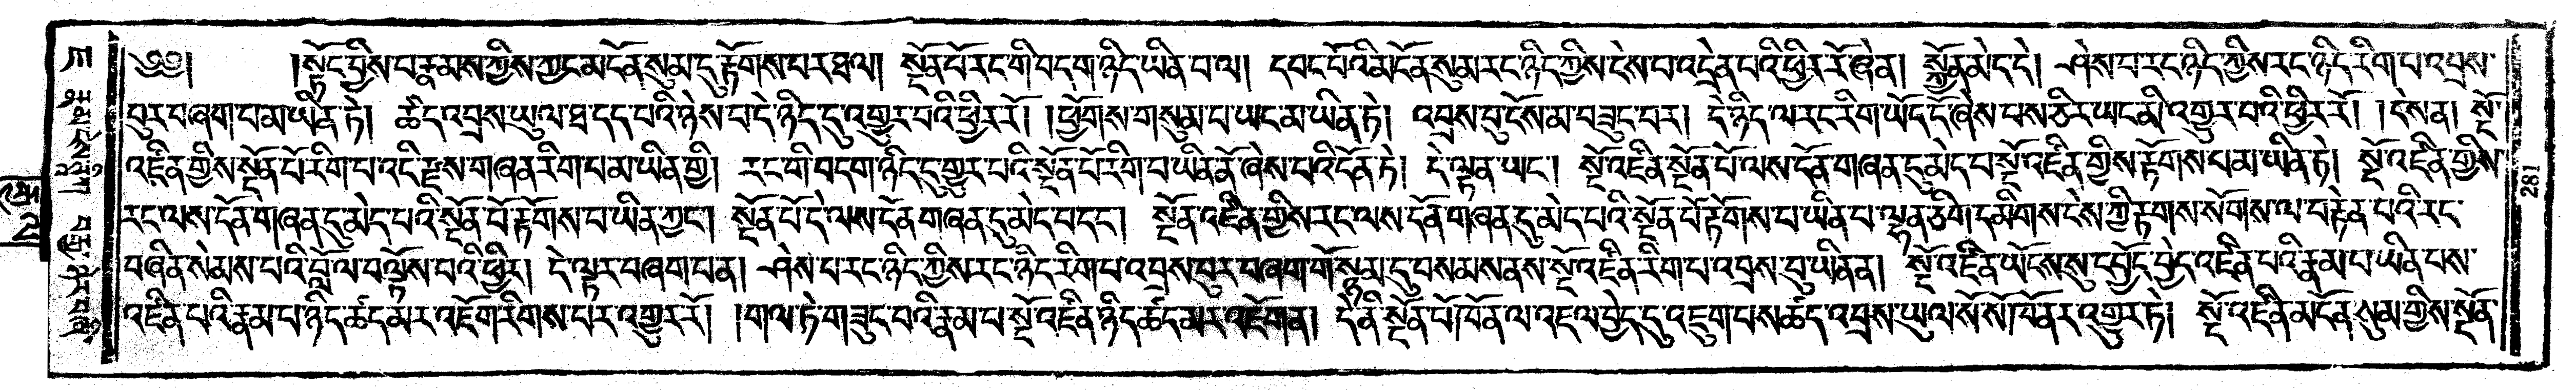༄༅། །སྟོང་བྱིས་པ་རྣམས་ཀྱིས་ཀྱང་མངོན་སུམ་དུ་རྟོགས་པར་ཐལ། སྔོན་པོ་རང་གི་བདག་ཉིད་ཡིན་པ་ལ། དབང་པོའི་མངོན་སུམ་རང་ཉིད་ཀྱིས་ངེས་བ་འདྲེན་པའི་ཕྱིར་རོ་ཞེ་ན། སྐྱོན་མེད་དེ། ཤེས་པ་རང་ཉིད་ཀྱིས་རང་ཉིད་རིག་པ་འབྲས་
བུར་བཞག་པ་མ་ཡིན་ཏེ། ཚད་འབྲས་ཡུལ་ཐ་དད་པའི་ཉེས་པ་དེ་ཉིད་དུ་འགྱུར་བའི་ཕྱིར་རོ། །ཕྱོགས་གསུམ་པ་ཡང་མ་ཡིན་ཏེ། འབྲས་བུ་ངོས་མ་བཟུང་བར། དེ་ཉིད་ལ་རང་རིག་ཡོད་དོ་ཞེས་པས་ཅིར་ཡང་མི་འགྱུར་བའི་ཕྱིར་རོ། །དེས་ན། སྔོ་
འཛིན་གྱིས་སྔོན་པོ་རིག་པ་འདི་རྫས་གཞན་རིག་པ་མ་ཡིན་གྱི། རང་གི་བདག་ཉིད་དུ་གྱུར་པའི་སྔོན་པོ་རིག་པ་ཡིན་ནོ་ཞེས་པའི་དོན་ཏེ། དེ་ལྟ་ན་ཡང་། སྔོ་འཛིན་སྔོན་པོ་ལས་དོན་གཞན་དུ་མེད་པ་སྔོ་འཛིན་གྱིས་རྟོགས་པ་མ་ཡིན་ཏེ། སྔོ་འཛིན་གྱིས་
རང་ལས་དོན་གཞན་དུ་མེད་པའི་སྔོན་པོ་རྟོགས་པ་ཡིན་ཀྱང་། སྔོན་པོ་དེ་ལས་དོན་གཞན་དུ་མེད་པ་དང་། སྔོན་འཛིན་གྱིས་རང་ལས་དོན་གཞན་དུ་མེད་པའི་སྔོན་པོ་རྟོགས་པ་ཡིན་པ་ལྷན་ཅིག་དམིགས་ངེས་ཀྱི་རྟགས་སོགས་ལ་བརྟེན་པའི་རང་
བཞིན་སེམས་པའི་བློ་ལ་བལྟོས་པའི་ཕྱིར། དེ་ལྟར་བཞག་པ་ན། ཤེས་པ་རང་ཉིད་ཀྱིས་རང་ཉིད་རིག་པ་འབྲས་བུར་བཞག་གོ་སྙམ་དུ་བསམས་ནས་སྔོ་འཛིན་རིག་པ་འབྲས་བུ་ཡིན་ན། སྔོ་འཛིན་ཡོངས་སུ་དཔྱོད་བྱེད་འཛིན་པའི་རྣམ་པ་ཡིན་པས་
འཛིན་པའི་རྣམ་པ་ཉིད་ཚད་མར་འཇོག་རིགས་པར་འགྱུར་རོ། །གལ་ཏེ་གཟུང་བའི་རྣམ་པ་སྔོ་འཛིན་ཉིད་ཚད་མར་འཇོག་ན། དེ་ནི་སྔོན་པོ་ཁོ་ན་ལ་འཇལ་བྱེད་དུ་འཇུག་པས་ཚད་འབྲས་ཡུལ་སོ་སོ་ཁོ་ནར་འགྱུར་ཏེ། སྔོ་འཛིན་མངོན་སུམ་གྱིས་སྔོན་